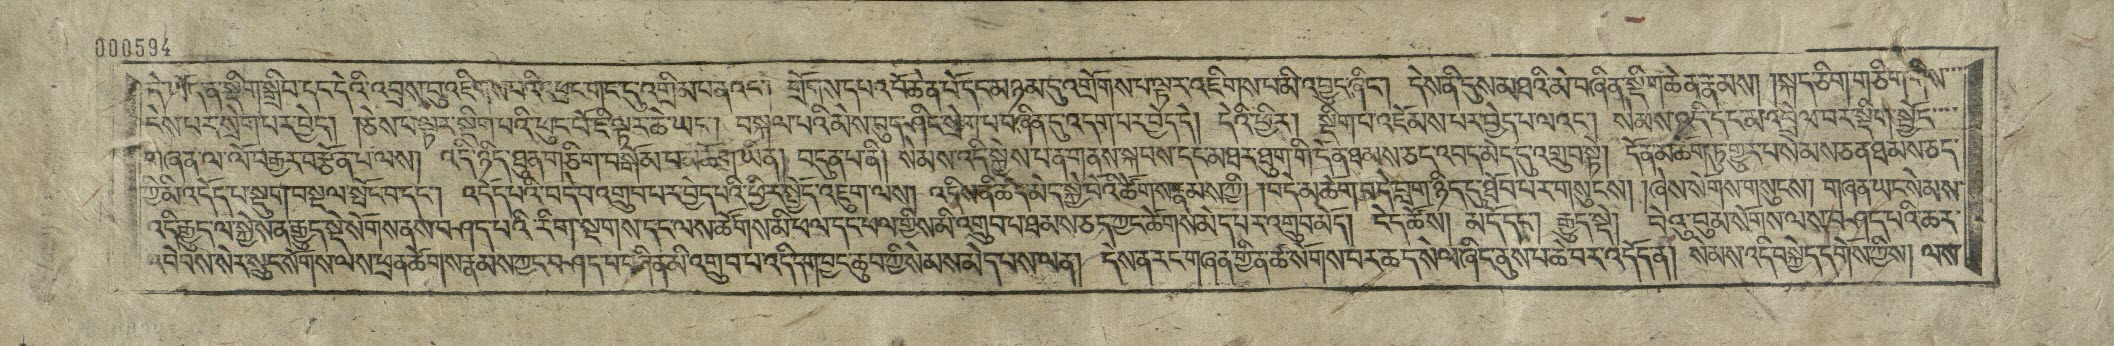དེ་ཡོད་ན་སྡིག་སྒྲིབ་དང་དེའི་འབྲས་བུ་འཇིགས་པའི་འཕྲང་གང་དུ་འགྲིམ་པ་ནའང་། གྲོགས་དཔའ་པོ་ཆེན་པོ་དང་མཉམ་དུ་འགྲོགས་པ་ལྟར་འཇིགས་པ་མི་འབྱུང་ཞིང་། དེས་ནི་དུས་མཐའི་མེ་བཞིན་སྡིག་ཆེན་རྣམས། །སྐད་ཅིག་གཅིག་གིས་
ངེས་པར་སྲེག་པར་བྱེད། །ཅེས་པ་ལྟར་སྡིག་པའི་ཕུང་པོ་ཇི་ལྟར་ཆེ་ཡང་། བསྐལ་པའི་མེས་བུད་ཤིང་སྲེག་པ་བཞིན་དུ་འདག་པར་བྱེད་དེ། དེའི་ཕྱིར། སྡིག་པ་འཇོམས་པར་བྱེད་པ་ལའང་། སེམས་འདི་དང་མ་འབྲེལ་བར་སྡིག་སྦྱོང་
གཞན་ལ་ལོ་བརྒྱར་བརྩོན་པ་ལས། འདི་ཉིད་ཐུན་གཅིག་བསྒོམ་པ་མཆོག་ཡིན། བདུན་པ་ནི། སེམས་འདི་སྐྱེས་པ་ན་གནས་སྐབས་དང་མཐར་ཐུག་གི་དོན་ཐམས་ཅད་འབད་མེད་དུ་འགྲུབ་སྟེ། དོན་མཆོག་ཏུ་གྱུར་པ་སེམས་ཅན་ཐམས་ཅད་
ཀྱི་མི་འདོད་པ་སྡུག་བསྔལ་སྤོང་བ་དང་། འདོད་པའི་བདེ་བ་འགྲུབ་པར་བྱེད་པའི་ཕྱིར་སྤྱོད་འཇུག་ལས། འདིས་ནི་ཚད་མེད་སྐྱེ་བོའི་ཚོགས་རྣམས་ཀྱི། །བདེ་མཆོག་བདེ་བླག་ཉིད་དུ་ཐོབ་པར་གསུངས། །ཞེས་སོགས་གསུངས། གཞན་ཡང་སེམས་
འདི་རྒྱུད་ལ་སྐྱེས་ན་རྒྱུད་སྡེ་སོགས་ནས་བཤད་པའི་རིག་སྔགས་དང་ལས་ཚོགས་མི་ཕལ་དང་ཕལ་གྱིས་མི་འགྲུབ་པ་ཐམས་ཅད་ཀྱང་ཚེགས་མེད་པར་འགྲུབ་མོད། ངེད་ཚོས། མདོ་དང་། རྒྱུད་སྡེ། བེའུ་བུམ་སོགས་ལས་བཤད་པའི་ཆར་
འབེབས་སེར་སྲུང་སོགས་ལས་ཕྲན་ཚེགས་རྣམས་ཀྱང་བཤད་པ་བཞིན་མི་འགྲུབ་པ་འདི་དག་བྱང་ཆུབ་ཀྱི་སེམས་མེད་པས་ལན། དེས་ན་རང་གཞན་གྱི་ན་ཚ་སོགས་བར་ཆད་སེལ་ཞིང་ནུས་པ་ཆེ་བར་འདོད་ན། སེམས་འདི་བསྐྱེད་དགོས་ཀྱིས། ལས་